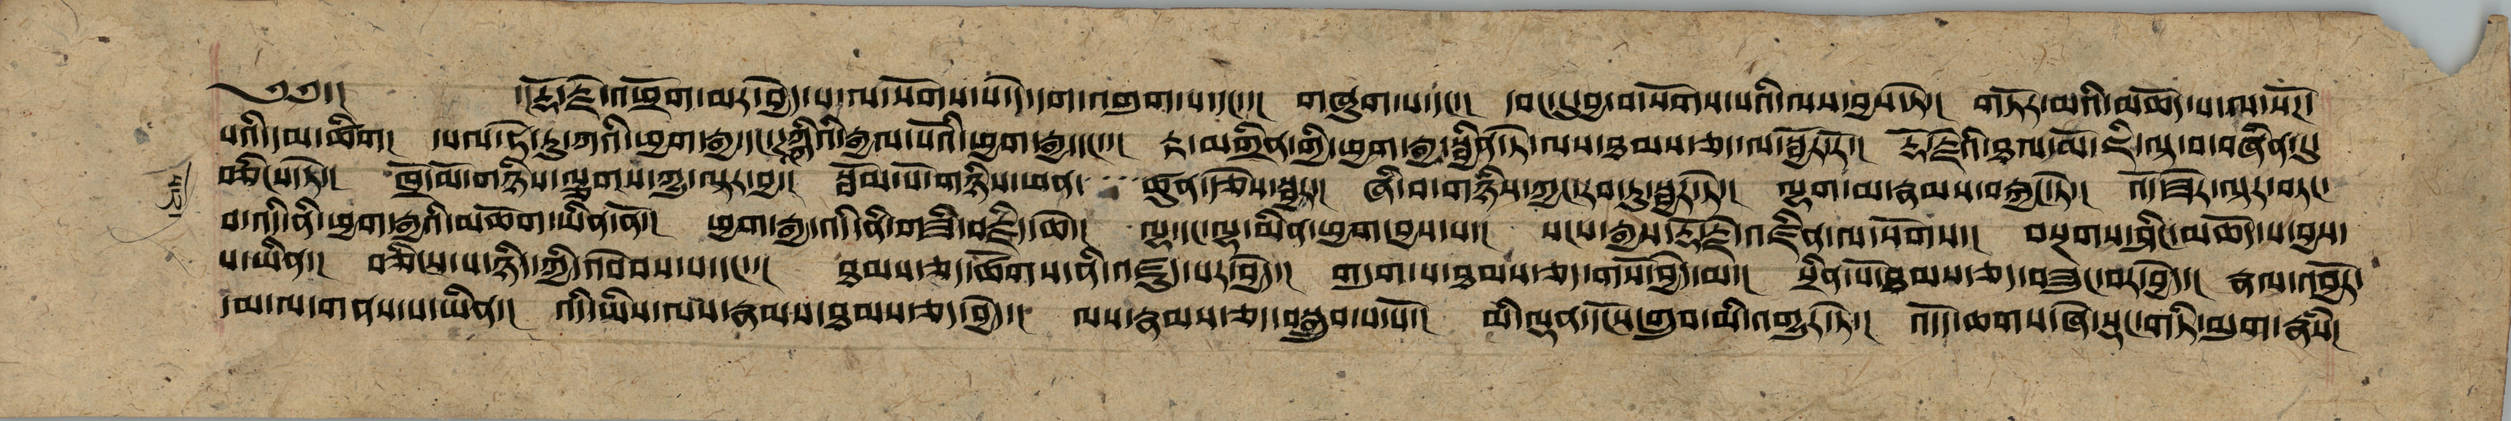༄༅་། ་།རྡོ་རྗེ་འཕྲོག་མར་བྱེད་པ་ལ་སོགས་པ་དེ་དག་འགུག་པ་དང་་། གཞུག་པ་དང་་། དབང་དུ་བྱ་བ་སོགས་པའི་ལས་བྱས་ཏེ་། གཏོར་མའི་མཆོད་པ་ལ་སོཌ་
པའི་དམ་ཚིག། དཔལ་ཧེ་རུ་ཀའི་ཕྱག་རྒྱ་དང་ཌཱཀྐིའི་རྒྱལ་པོའི་ཕྱག་རྒྱ་དང་་། རྟ་མགྲིན་གྱི་ཕྱག་རྒྱ་སྦྱིན་ཏེ་ལས་ཐམས་ཅད་ལ་སྦྱོར་རོ་། རྡོ་རྗེའི་ཐལ་མོ་ཇི་ལྟ་བ་བཞིན་དུ་
བཅིངས་ཏེ་། ཁྲོ་མོ་གཉིས་ལྕགས་ཀྱུ་ལྟར་བྱ་། སྦོམ་པོ་གཉིས་ཕན་་་་ཚུན་རྩེས་སྦྱར་། ཞི་བ་གཉིས་ཀྱང་རབ་ཏུ་སྦྱར་ཏེ་། ལྷག་མ་རྣམས་བརྐྱང་ཏེ་། འོད་ཟེར་ལྟར་བཏང་
བ་འདི་ནི་ཕྱག་རྒྱའི་མཆོག་ཡིན་ནོ་། ཕྱག་རྒྱ་འདི་ནི་གཟི་བརྗིད་ཆེ་། ལྷ་དང་ལྷ་མིན་ཕྱག་བྱས་པ་། སངས་རྒྱས་རྡོ་རྗེ་འཛིན་ལ་སོགས་། བསྔགས་ཤིང་མཆོད་པ་བྱས་
པ་ཡིན་། བཅིངས་པ་ཉིད་ཀྱི་འབེབས་པ་དང་་། ཐམས་ཅད་ཚོགས་ནི་འཛུད་པར་བྱེད་། གདུག་པ་ཐམས་ཅད་གསོ་བྱེད་མ་། སྲིན་པོ་ཐམས་ཅད་བཟུང་བར་བྱེད་། རྣལ་འབྱོར་
དམ་ལ་གནས་པ་ཡིན་། འདི་ཡིས་ལས་རྣམས་ཐམས་ཅད་བྱེད་། ལས་རྣམས་ཅད་བསྒྲུབ་པ་པོ་། མི་ལྡན་དངོས་གྲུབ་མི་འགྱུར་ཏེ་། འདོད་ཆགས་ཞེ་སྡང་གཏི་མུག་རྣཾས།